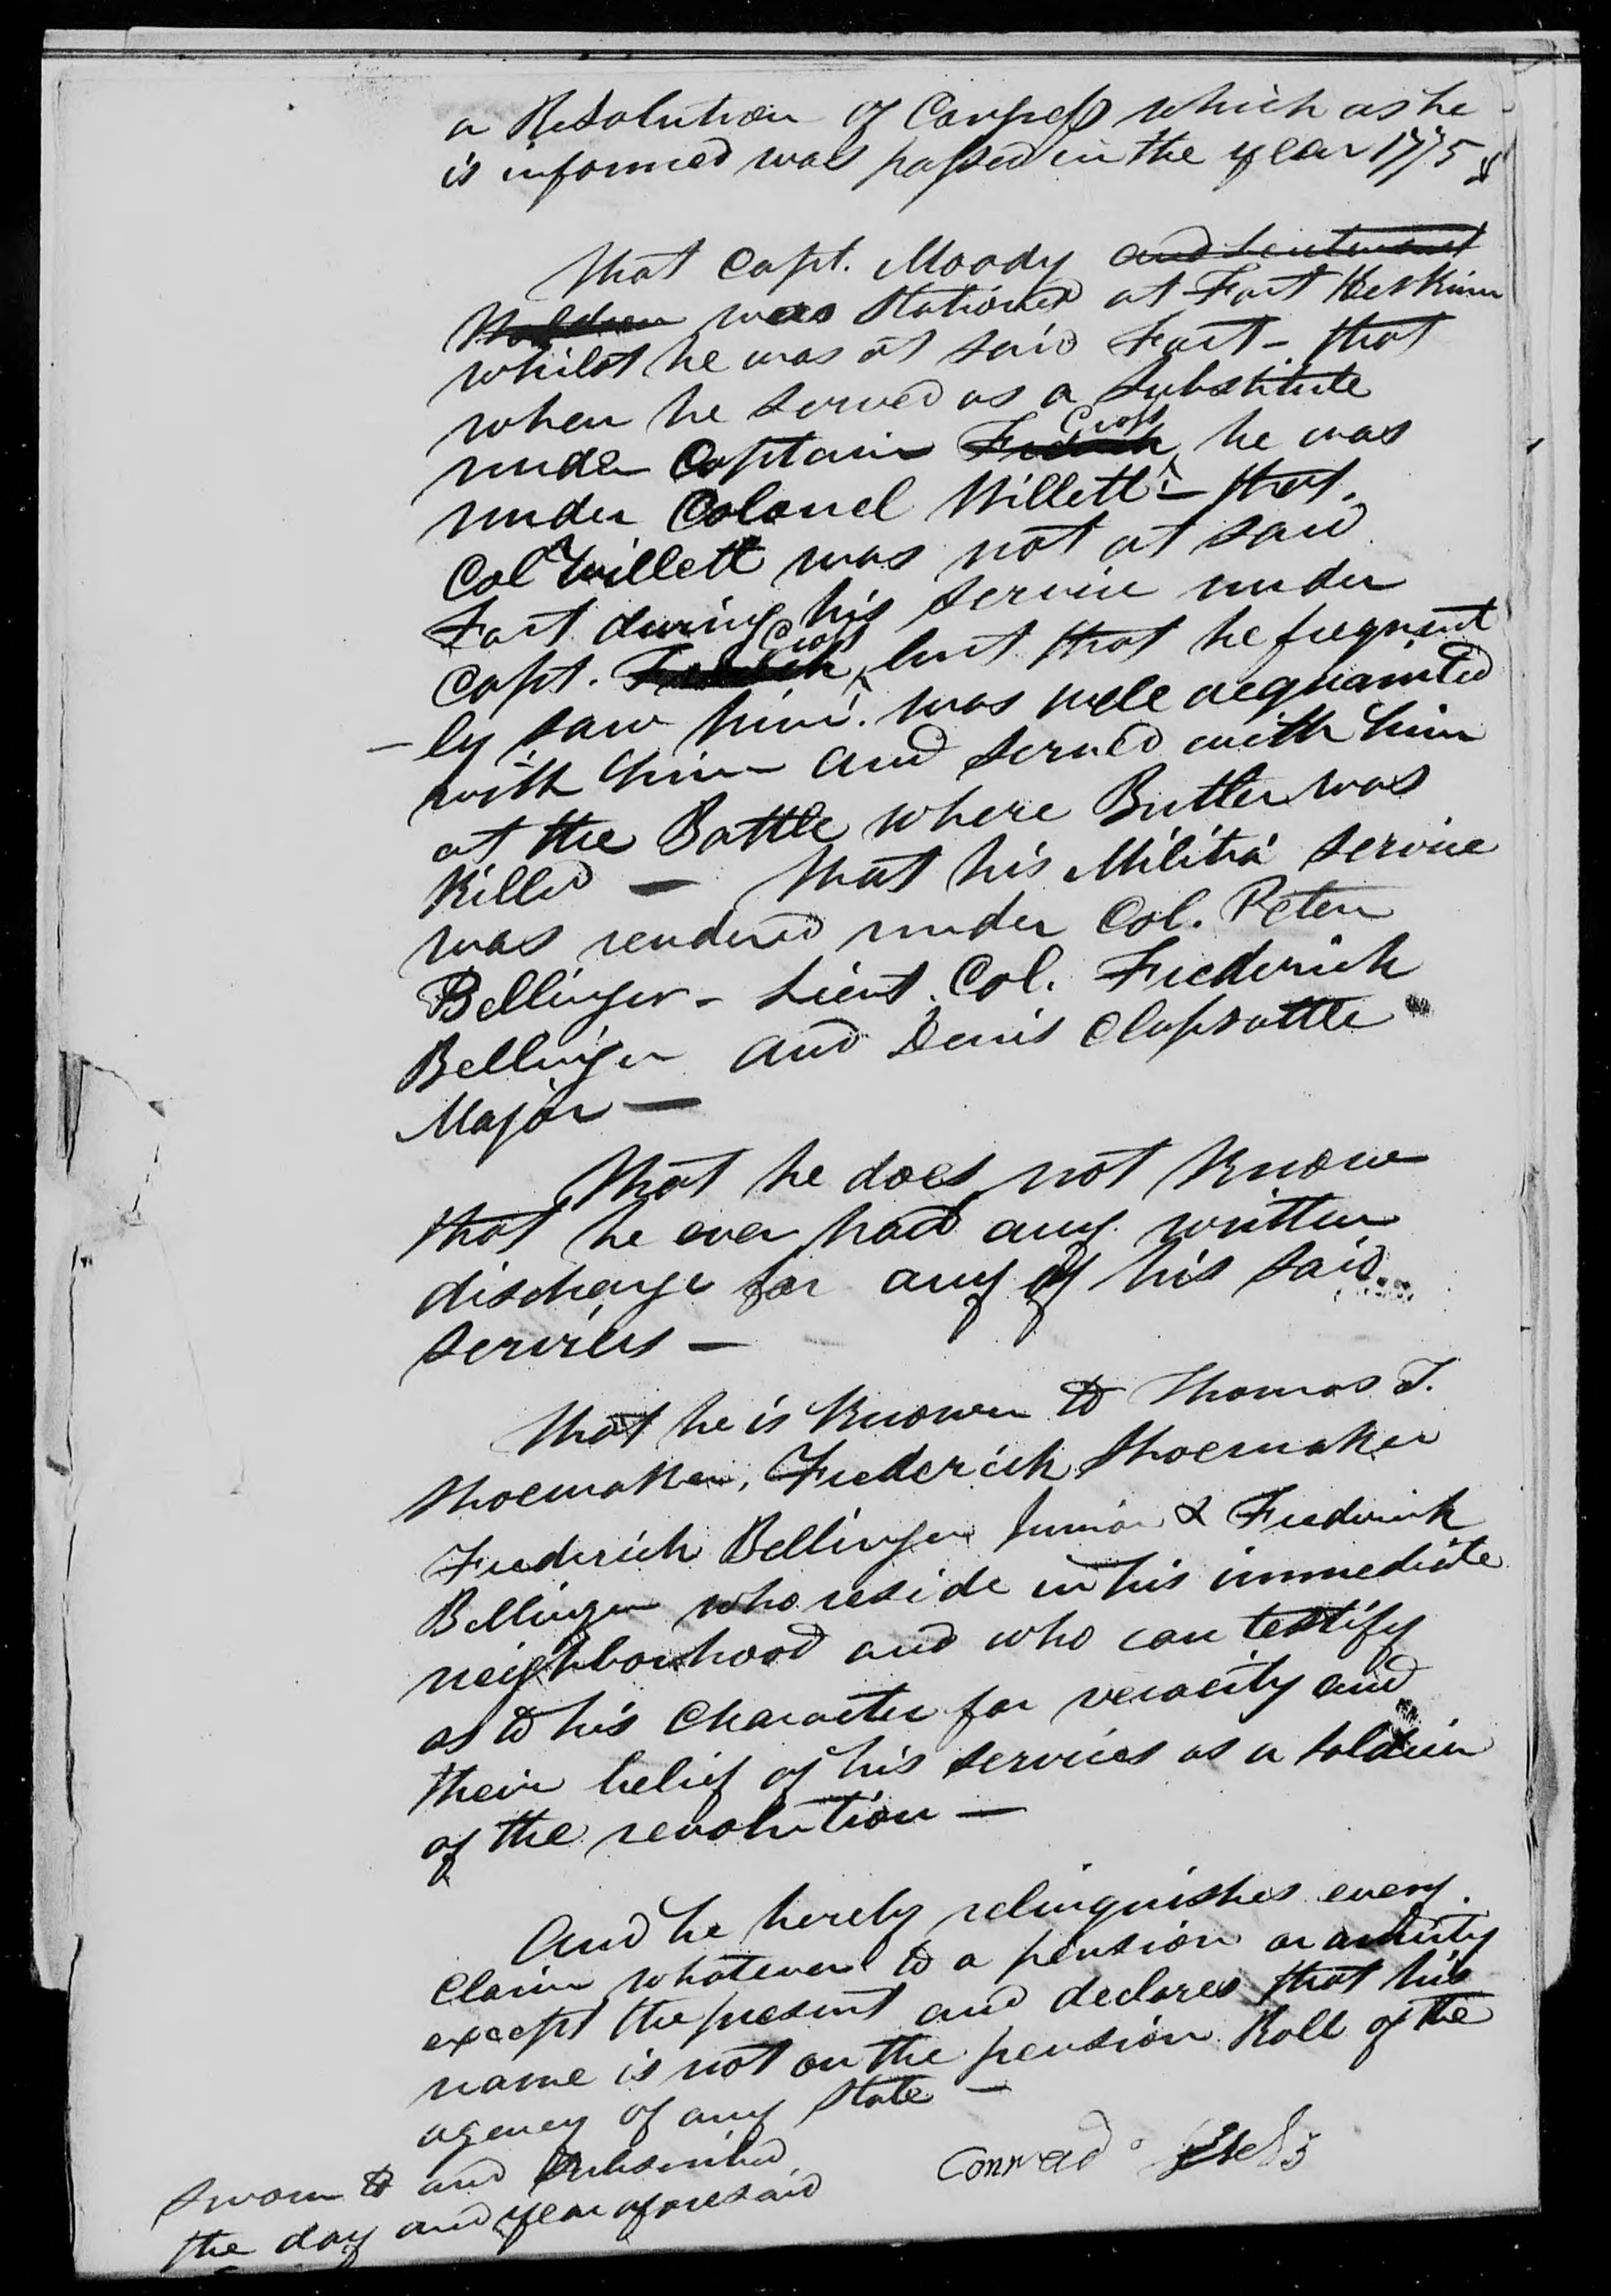[handwritten]

a Resolution of Congress which as he is informed was passed in the year 1775

That Capt. Moody [and Lieutenant [illegible] crossed out] was stationed at Fort Herkimer whilst he was at said Fort - that when he served as a substitute under Captain [illegible crossed out] ^[insert] Gross he was under Colonel Willett - that Col Willett was not at said Fort during his service under Capt. [illegible crossed out] ^[insert] Gross but that he frequently saw him was well acquainted with him and served with him at the Battle where Butler was killed - that his militia service was rendered under Col. Peter Bellinger - Lieut. Col. Frederick Bellinger and Denis Clapsattle Major -
That he does not know that he ever had any written discharge for any of his said services -
That he is known to Thomas J. Shoemaker, Frederick Shoemaker Junior & Frederick Bellinger who reside in his immediate neighborhood and who can testify as to is character for veracity and their belief of his services as a soldier of the revolution - 
And he hereby relinquishes every claim whatever to a pension or annuity except the present and declares that his name is not on the pension roll of the agency of any state -
Sworn to and Subscribed the day and year aforesaid
Conrad Hess [signature]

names: Thomas T Shoemaker, Moody, Gross, Denis Clapsattle, Frederick Bellinger, Conrad Hess, Willett, Butler, Frederick Bellinger, Peter Bellinger, Willett, Frederick Shoemaker, Gross, Frederick Bellinger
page: 8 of 30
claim: rejected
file: R. 4927, Conrad Hess, New York